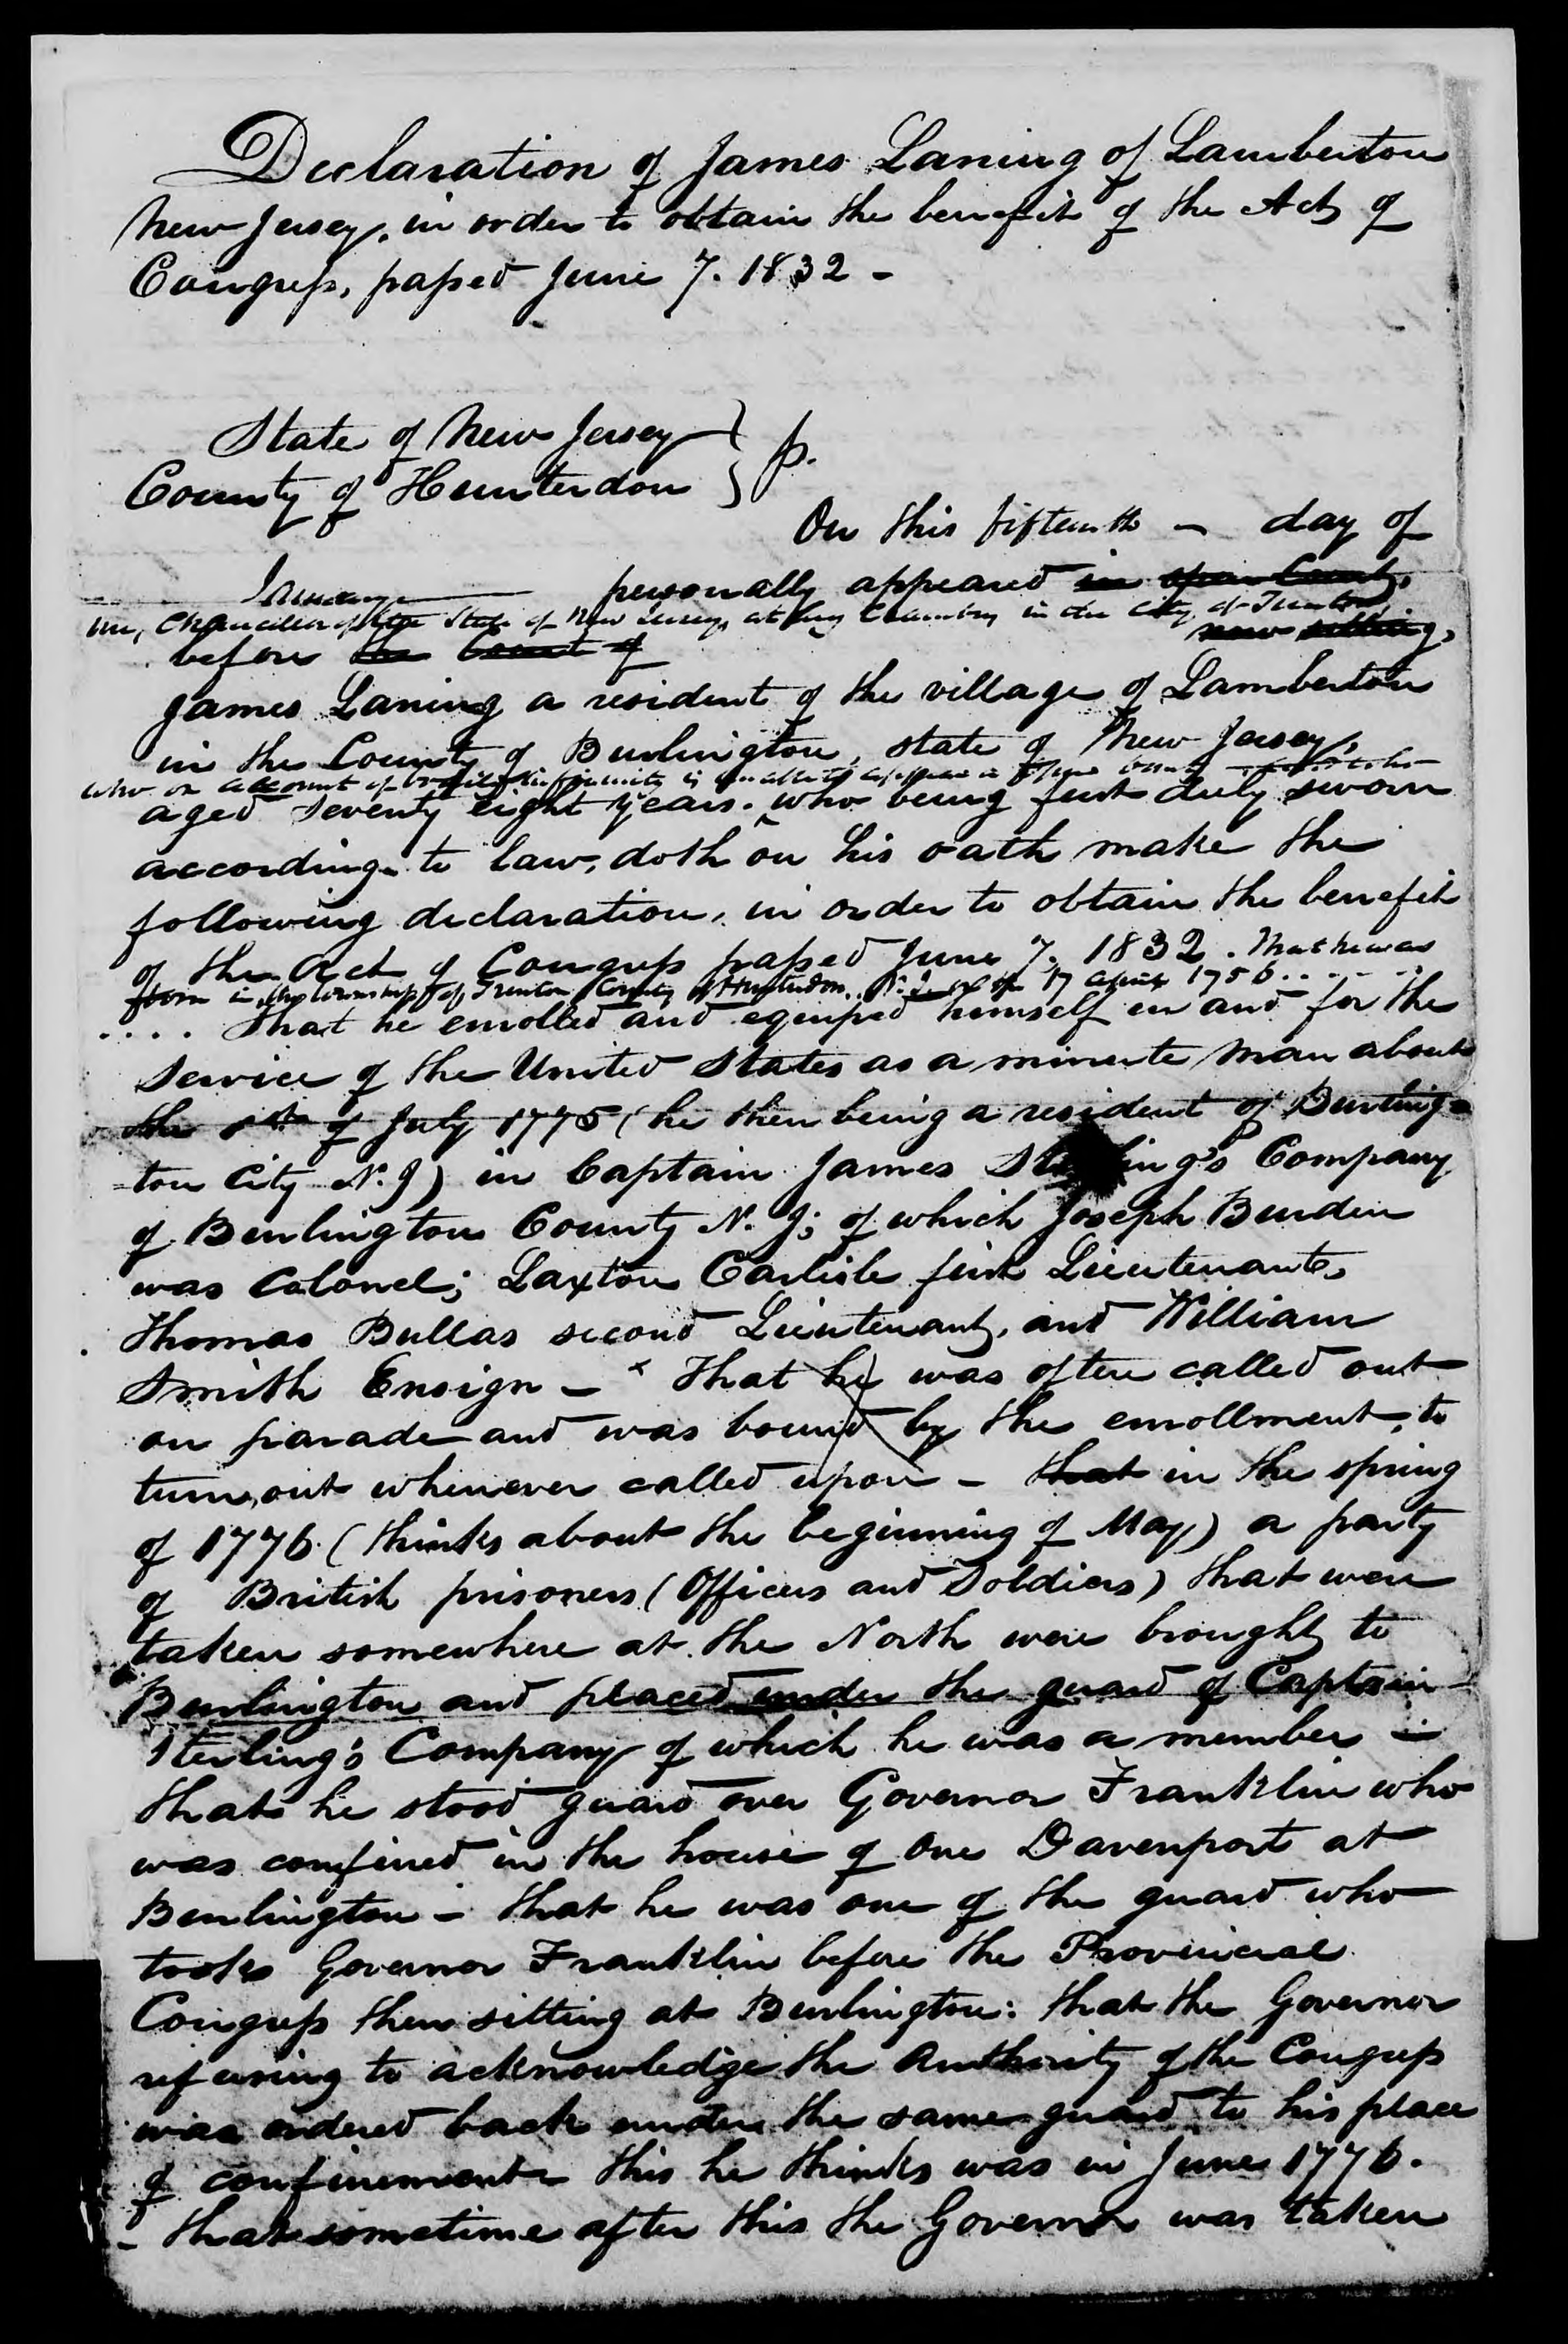Declaration of James Laning of Lamberton New Jersey, in order to obtain the benefit of the Act of Congress, passed June 7, 1832.

State of New Jersey}
County of Hunterdon} Ss.

On this fifteenth day of January personally appeared before me, Chanceller of the State of New Jersey at my chambers in the City of Trenton, James Laning a resident of the village of Lamberton in the County of Burlington, State of New Jersey, aged Seventy eight years, who on account of bodily infirmity is unable to appear in open Court, who being first duly sworn according to law, doth on his oath make the following declaration, in order to obtain the benefit of the Act of Congress passed June 7, 1832. That he was born in the Township of Trenton, County of Hunterdon .. N. J. on the 17 April, 1756....
....That he enrolled and equiped himself in and for the Service of the United States as a minute man about the [_th?] of July 1775 (he then being a resident of Burlington City N. J) in Captain James Sterling's Company of Burlington County N. J; of which Joseph Burden was Colonel; Laxton Carlisle first Lieutenant, Thomas Bullas second Lieutenant, and William Smith Ensign_ That he was often called out on parade and was bound by the enrollment to turn out whenever called upon_
that in the spring of 1776 (thinks about the beginning of May) a party of British prisoners (Officers and Soldiers) that were taken somewhere at the North were brought to Burlington and placed under the guard of Captain Sterling's Company of which he was a member _ that he stood guard over Governor Franklin who was confined in the house of one Davenport at Burlington _ that he was one of the guard who took Governor Franklin before the Provincial Congress then sitting at Burlington: that the Governor refusing to acknowledge the Authority of the Congress was ordered back under the same guard to his place of confinement this he thinks was in June 1776. _ that sometime after this the Governor was taken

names: Laxton Carlisle; Thomas Bullas; James Laning; Joseph Burdin; William Smith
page: 6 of 39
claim: rejected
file: R. 6154, for James Laning, New Jersey